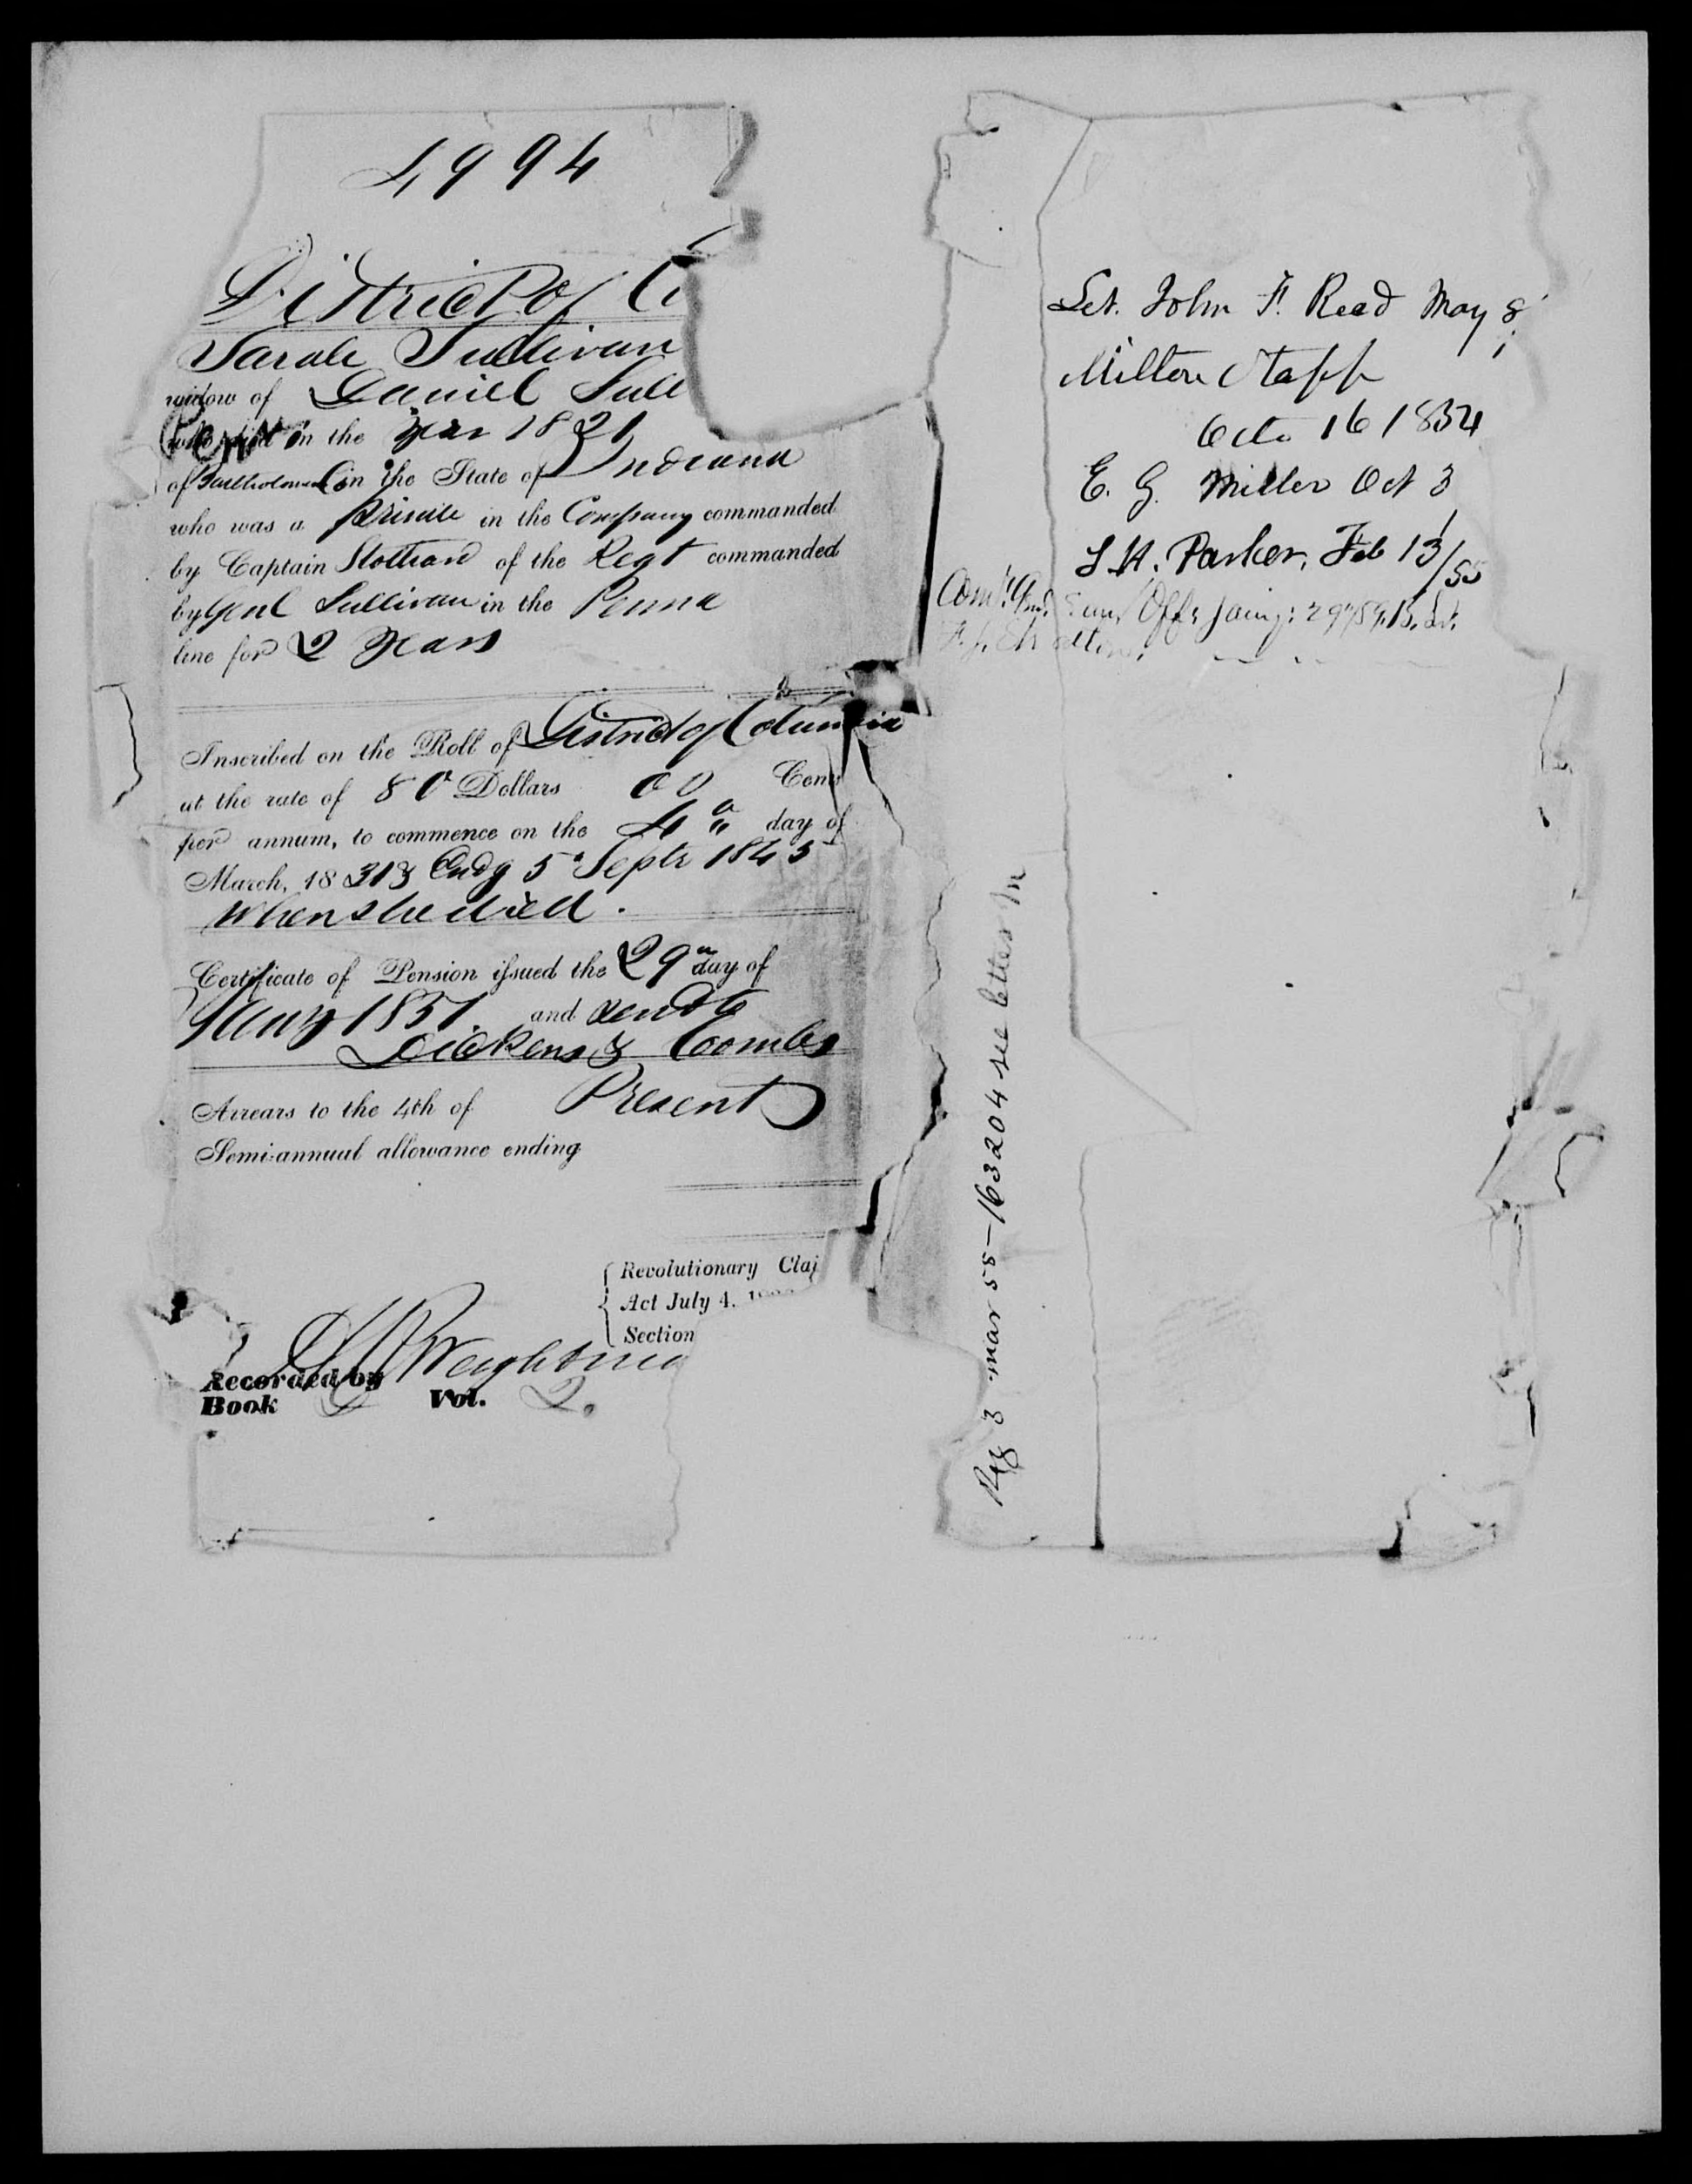[printed form, blanks filled by hand]

1994
District of [Columbia] [page is torn and paper is missing]
=========
Sarah Sullivan
widow of Daniel Sull[ivan] [page is torn and paper is missing]
who died in the year 1821
of Bartholomew Co in the State of Indiana
who was a private in the Company commanded
by Captain Stottard of the Regt commanded
by Genl Sullivan in the Penna
line for 2 years
=========
Inscribed on the Roll of District of Colum
at the rate of 80 Dollars 00 Cents
per annum, to commence on the 4th day of
March 1831, Endg 5th  Sept 1845
when she died
=========
Certificate of Pension issued the 29 day of
Jany 1831 and sent to
Dickens & Combs
Present
=========
Arrears to the 4th of 
Semi-annual allowance ending
=========
{ Revolutionary Clai[m,]
Act July , [1836] 
Section [torn off]}.

Recorded by [signed] H. Weightman [Clerk]
Book D Vol. 2. [page. ?]
Vol. 2

[right side notes]

Let. John F. Reed May 8/[?]
Milton Staff
Octo 16 1834
E. J. Miller OCt 3
L 1A. parker Feb 13/55

Com! Gnd. Sun, Offs Jany. 29"/59. 15. Let.
F. J. Shalton.

Reg 3 mar 55 - 163204 see letters m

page: 11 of 78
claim: widow's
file: W. 25,169, for Daniel Sullivan, Maryland